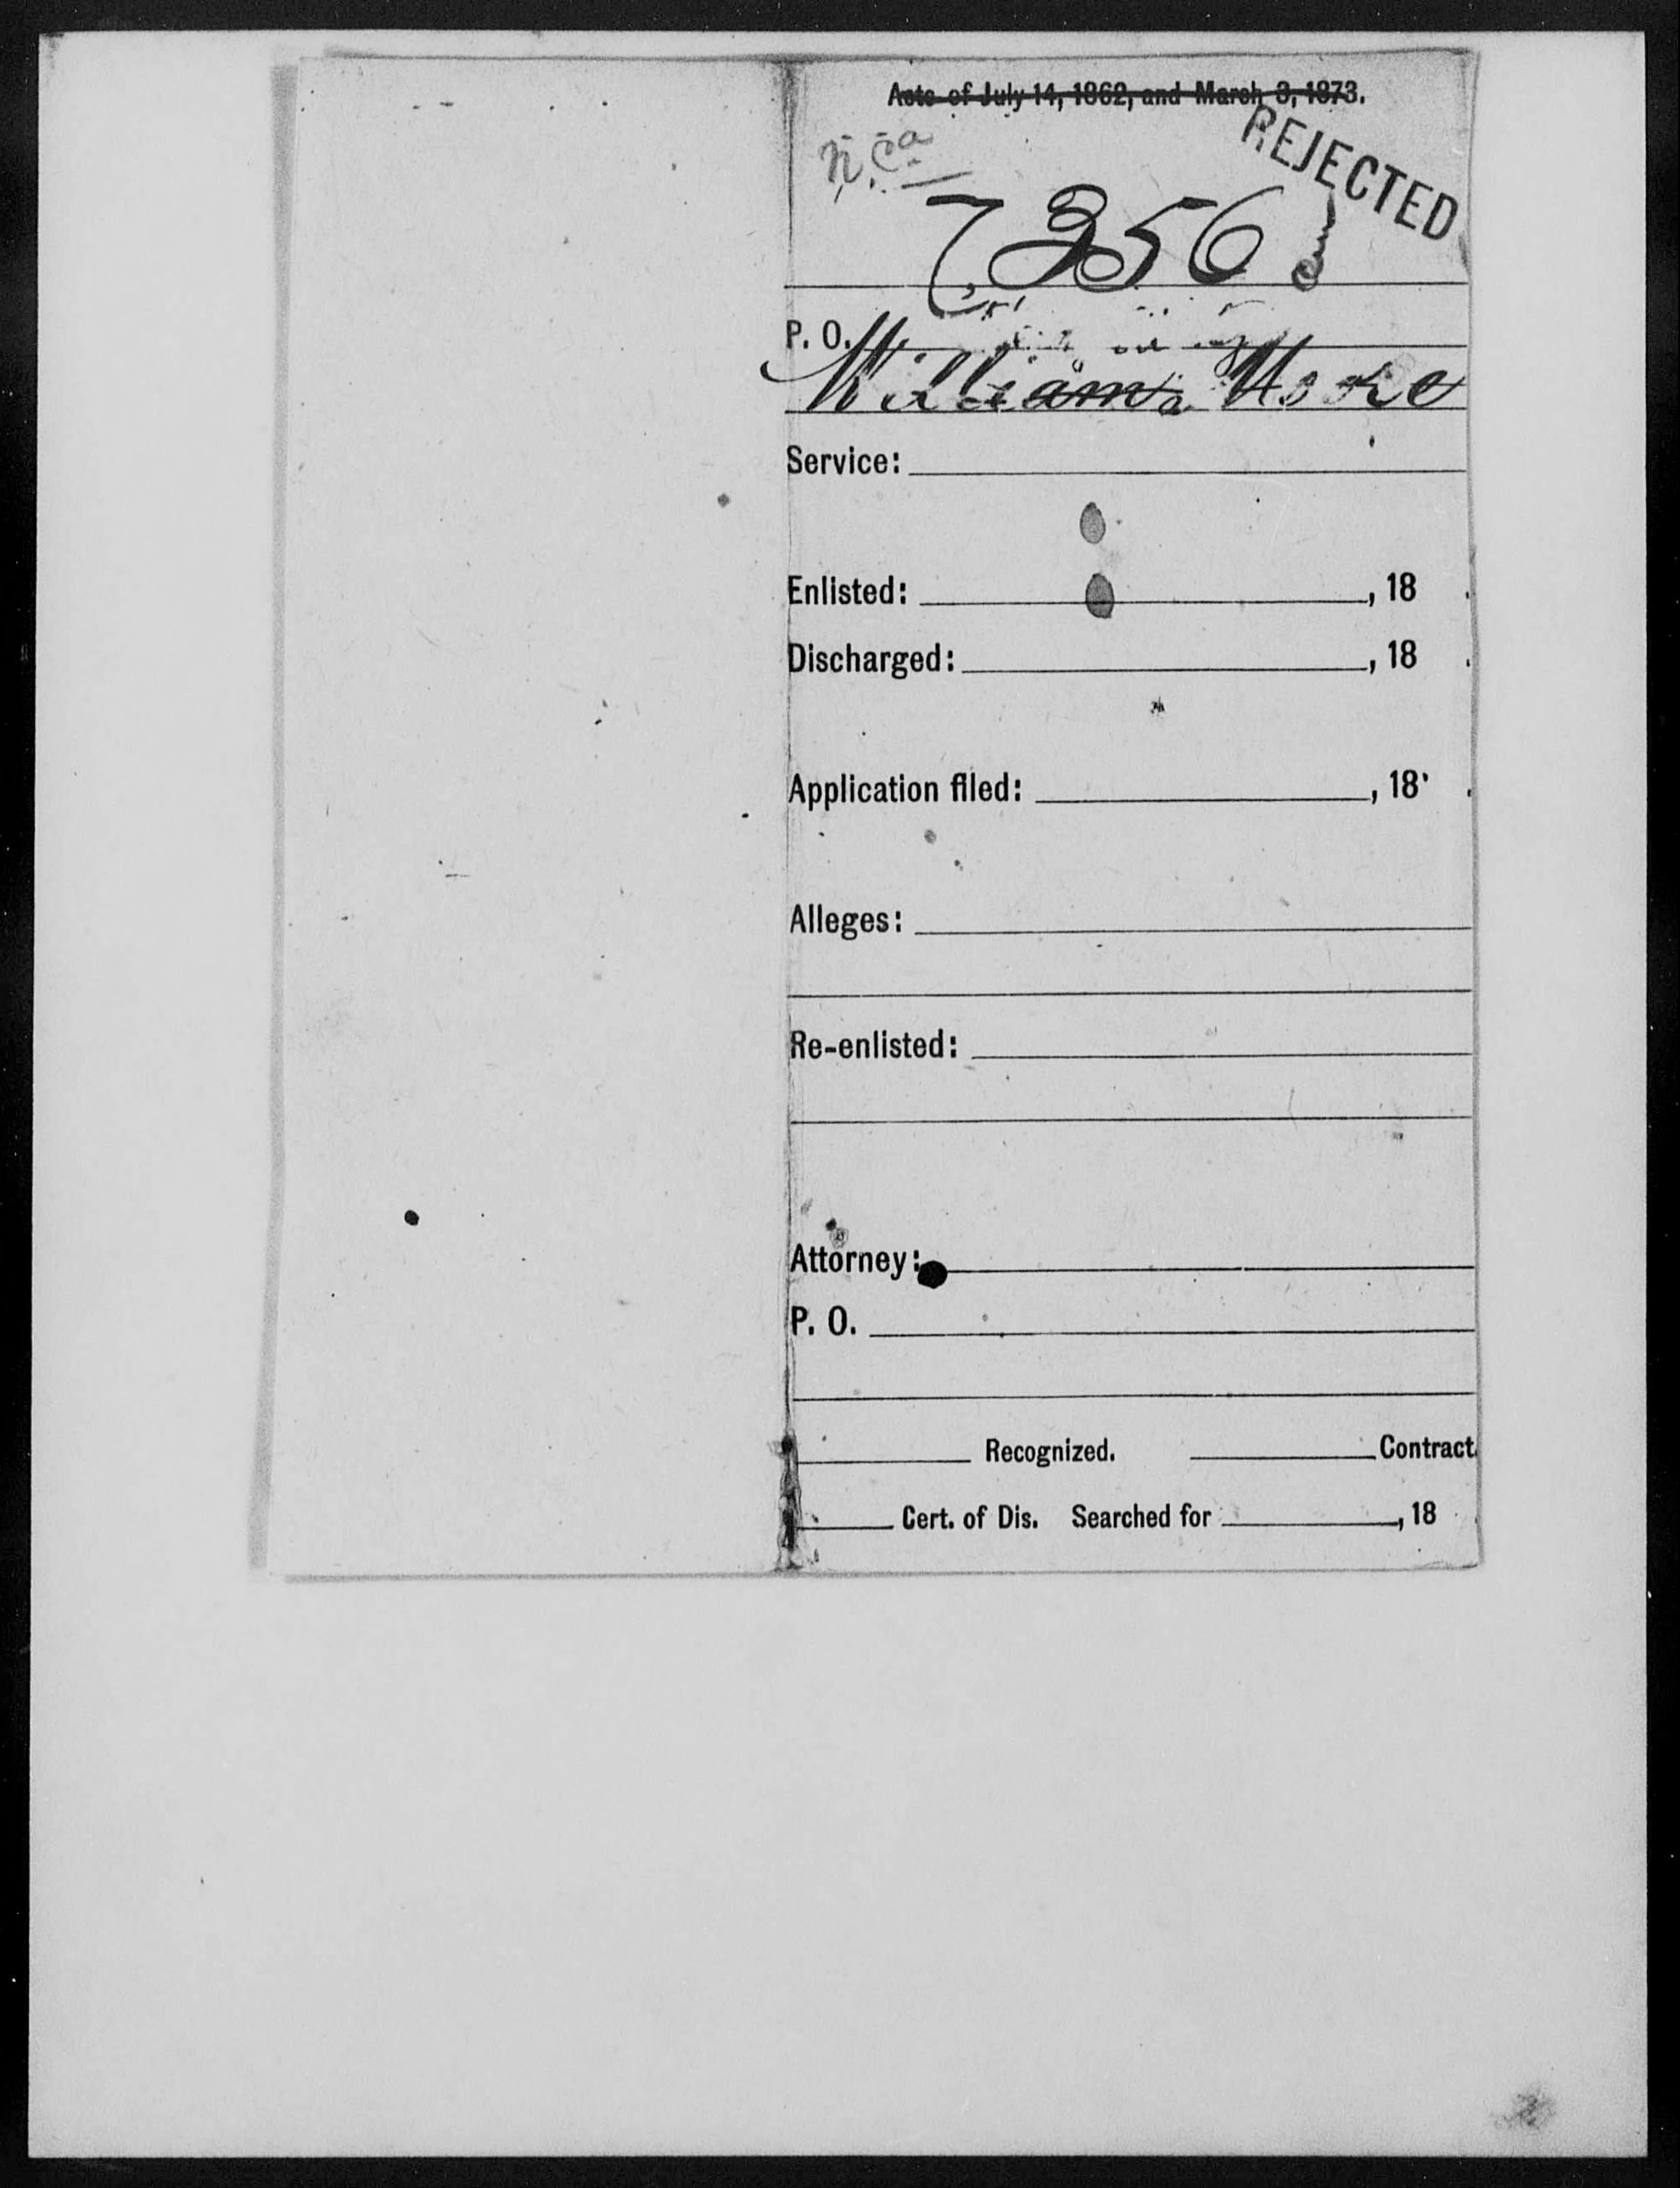REJECTED
N. Ca.

7356
P.O.___
William Moore
Service: ___
Enlisted: ___, 18
Discharged: ___, 18
Application filed: ___, 18
Alleges: ___
Re-enlisted: ___
Attorney: ___
P.O.. ___
Recognized.  Contract.
Cert. of Dis.  Searched for ___, 18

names: William Moore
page: 12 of 16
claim: survivor's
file: S. 17,592, for William Moore, North Carolina